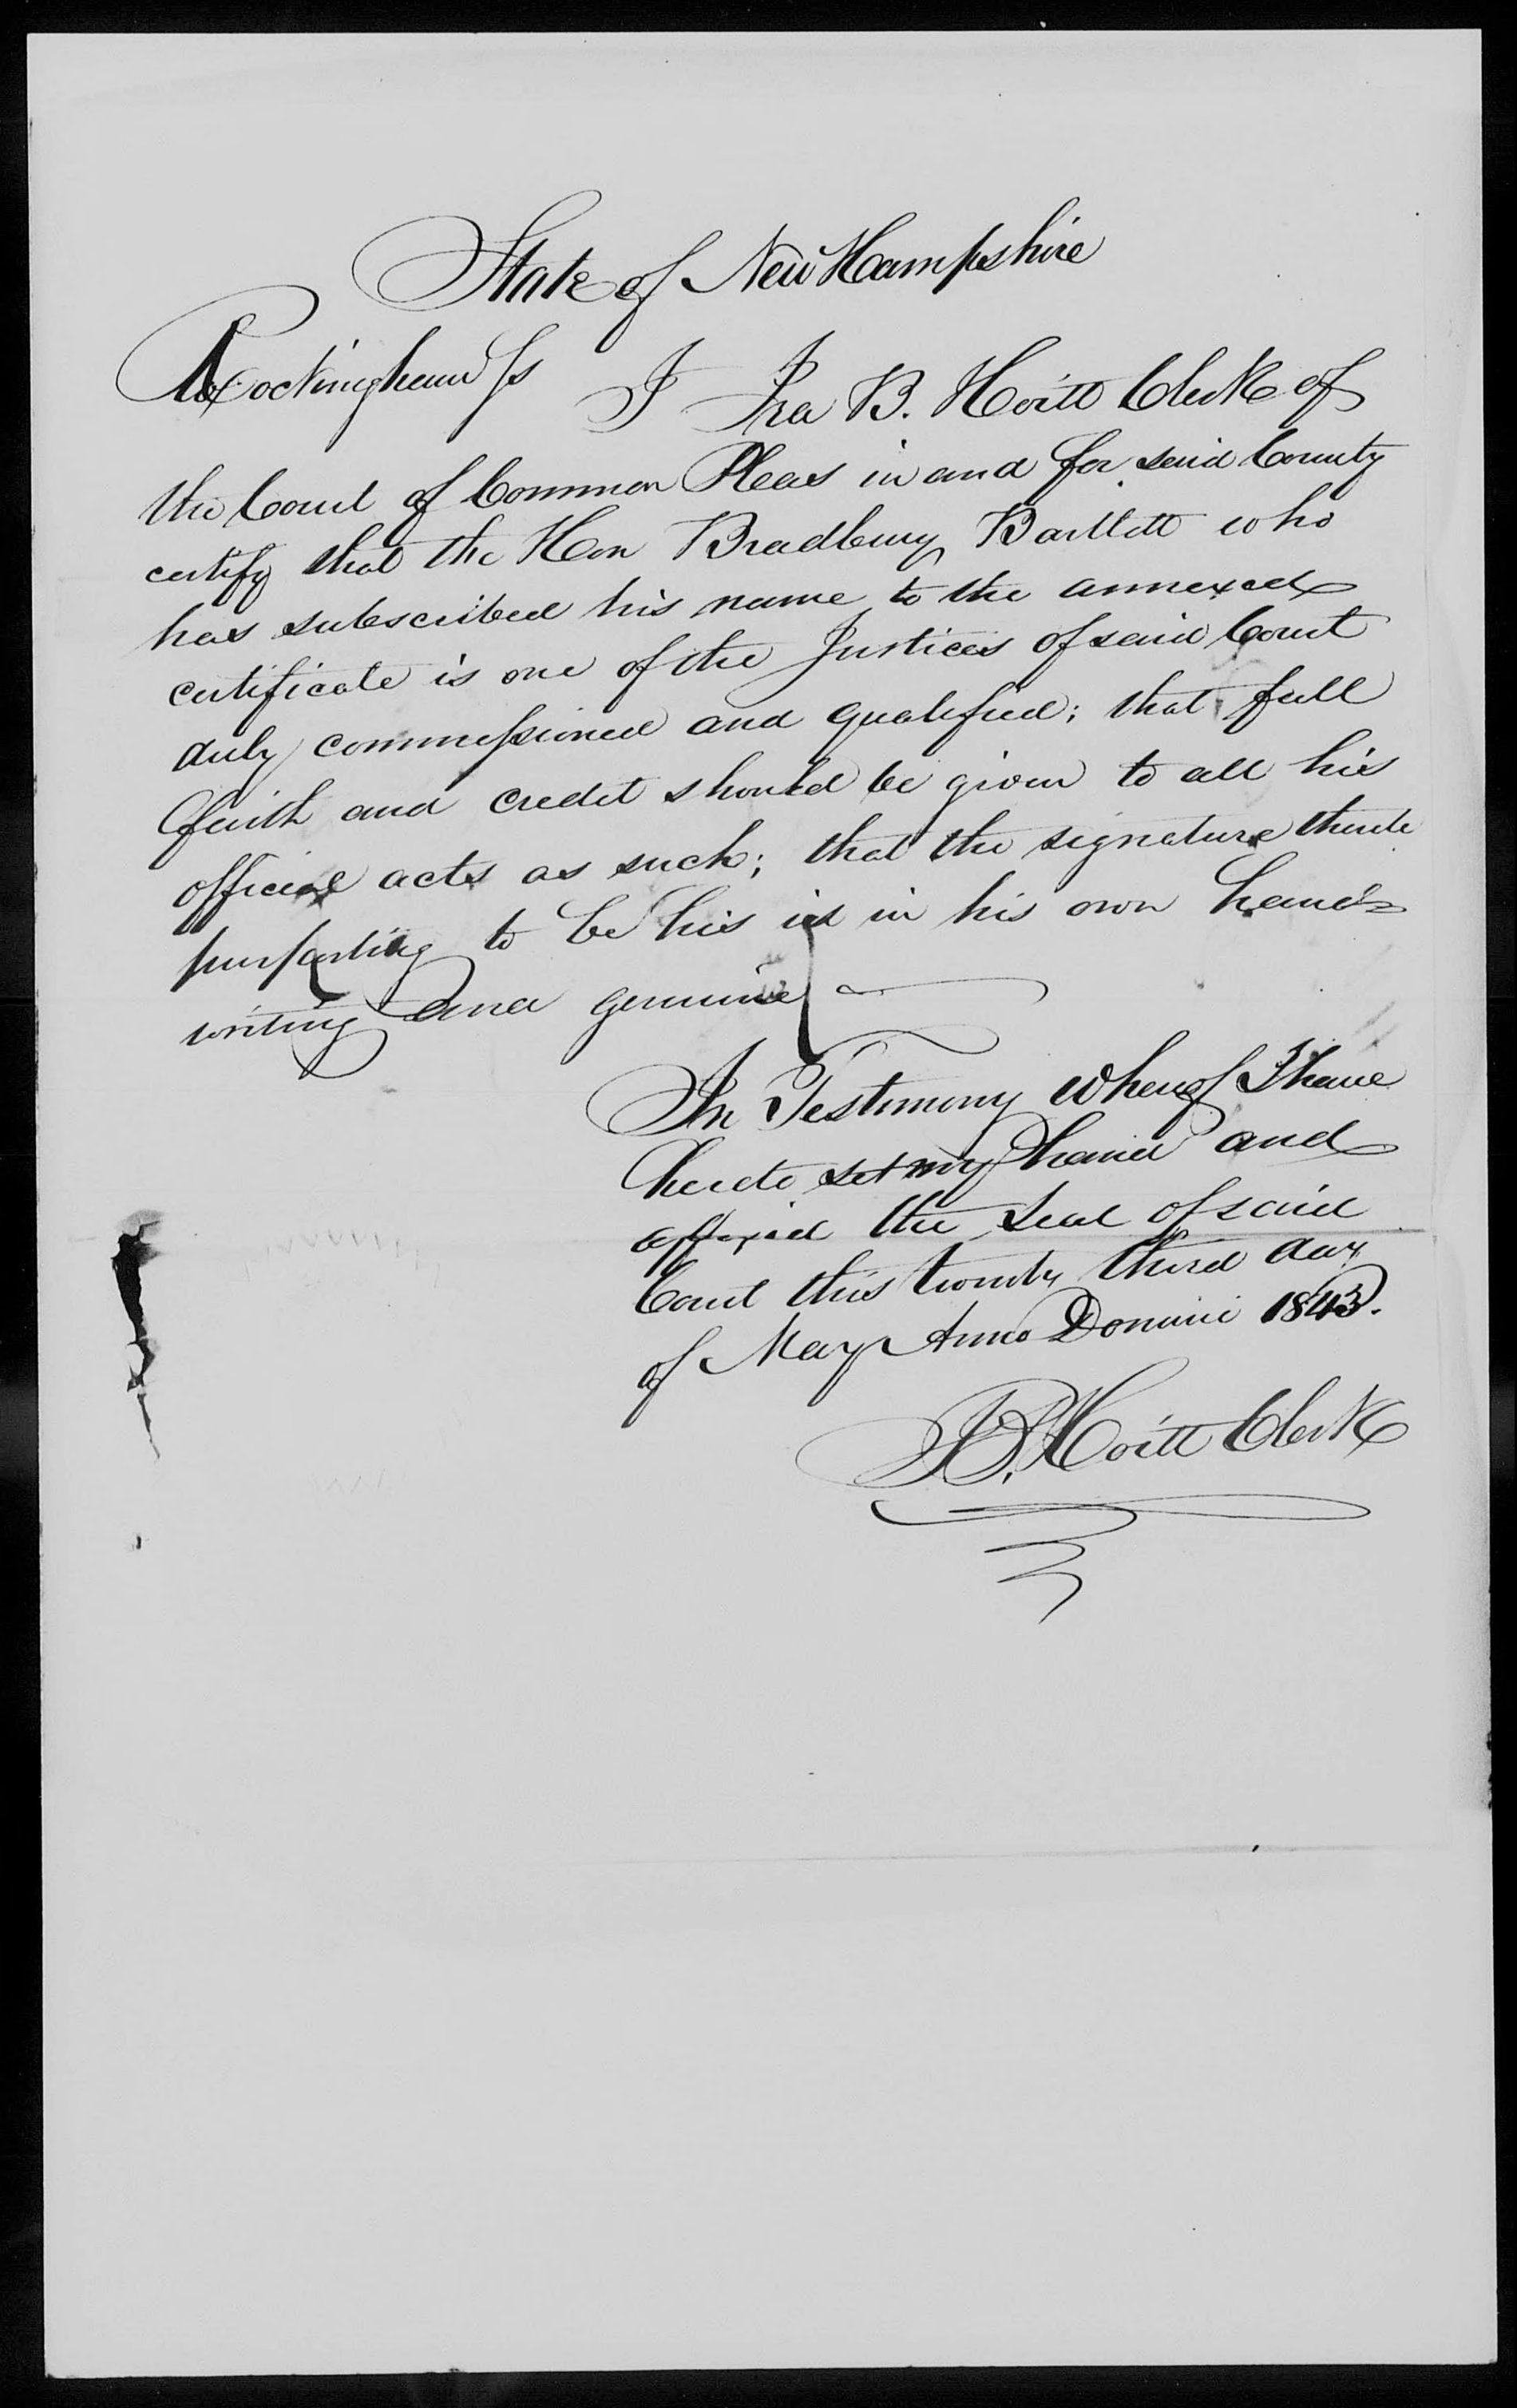State of New Hampshire
Rockingham ss
I Ira B. Hoitt Clerk of the Court of Common Pleas in and for said County certify that the Hon Bradbury Bartlett who has subscribed his name to the annexed certificate is one of the Justices of said Court duly commissioned and qualified; that full faith and credit should be given to all his
official acts as such; that the signature thereto
purporting to be his is in his own hand
writing and genuine -
In Testimony whereof I have hereto set my hand and affixed the Seal of said Court this twenty third day of May Anno Domini 1843.
I B. Hoitt Clerk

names: Ira B Hoitt, I B Hoitt, Bradbury Bartlett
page: 12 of 43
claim: widow's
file: W. 21665, Ebenezer Bennett, N. H. Privateer.